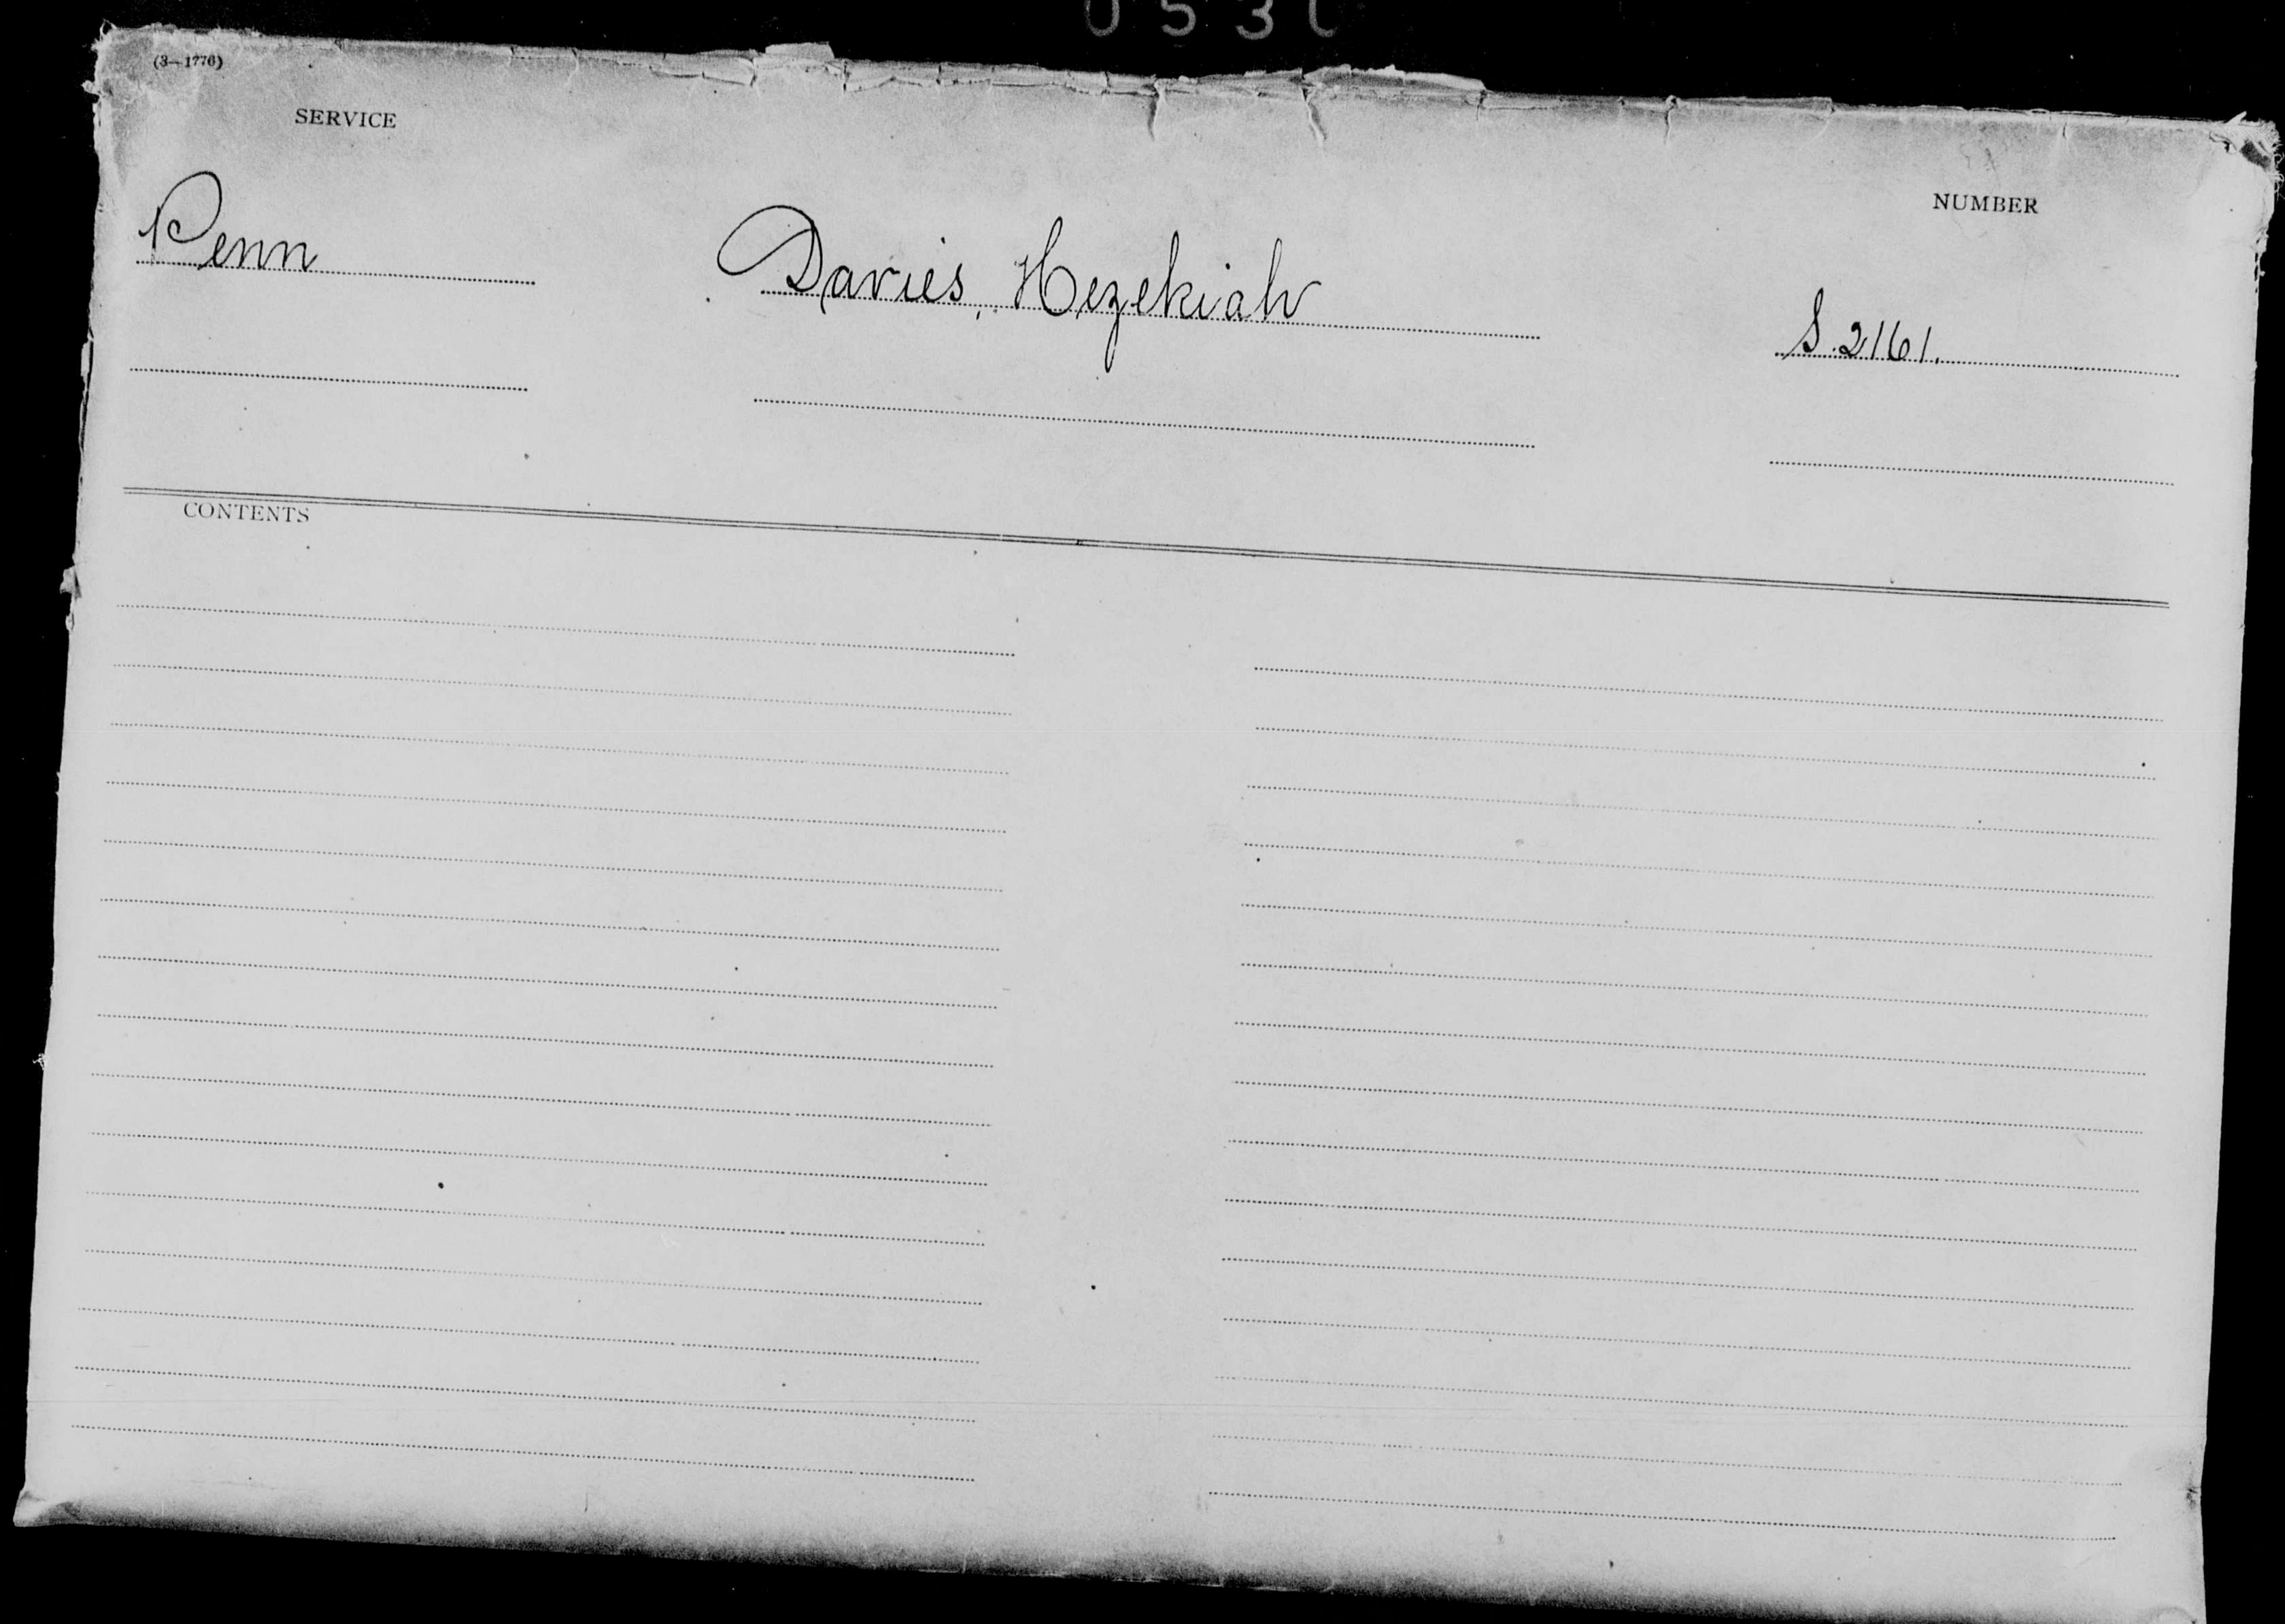(3-1776)
SERVICE
Penn
Davis, Hezekiah
NUMBER
S.2161.
CONTENTS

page: 1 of 57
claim: survivor's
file: S. 2161, Hezekiah Davies, Penn